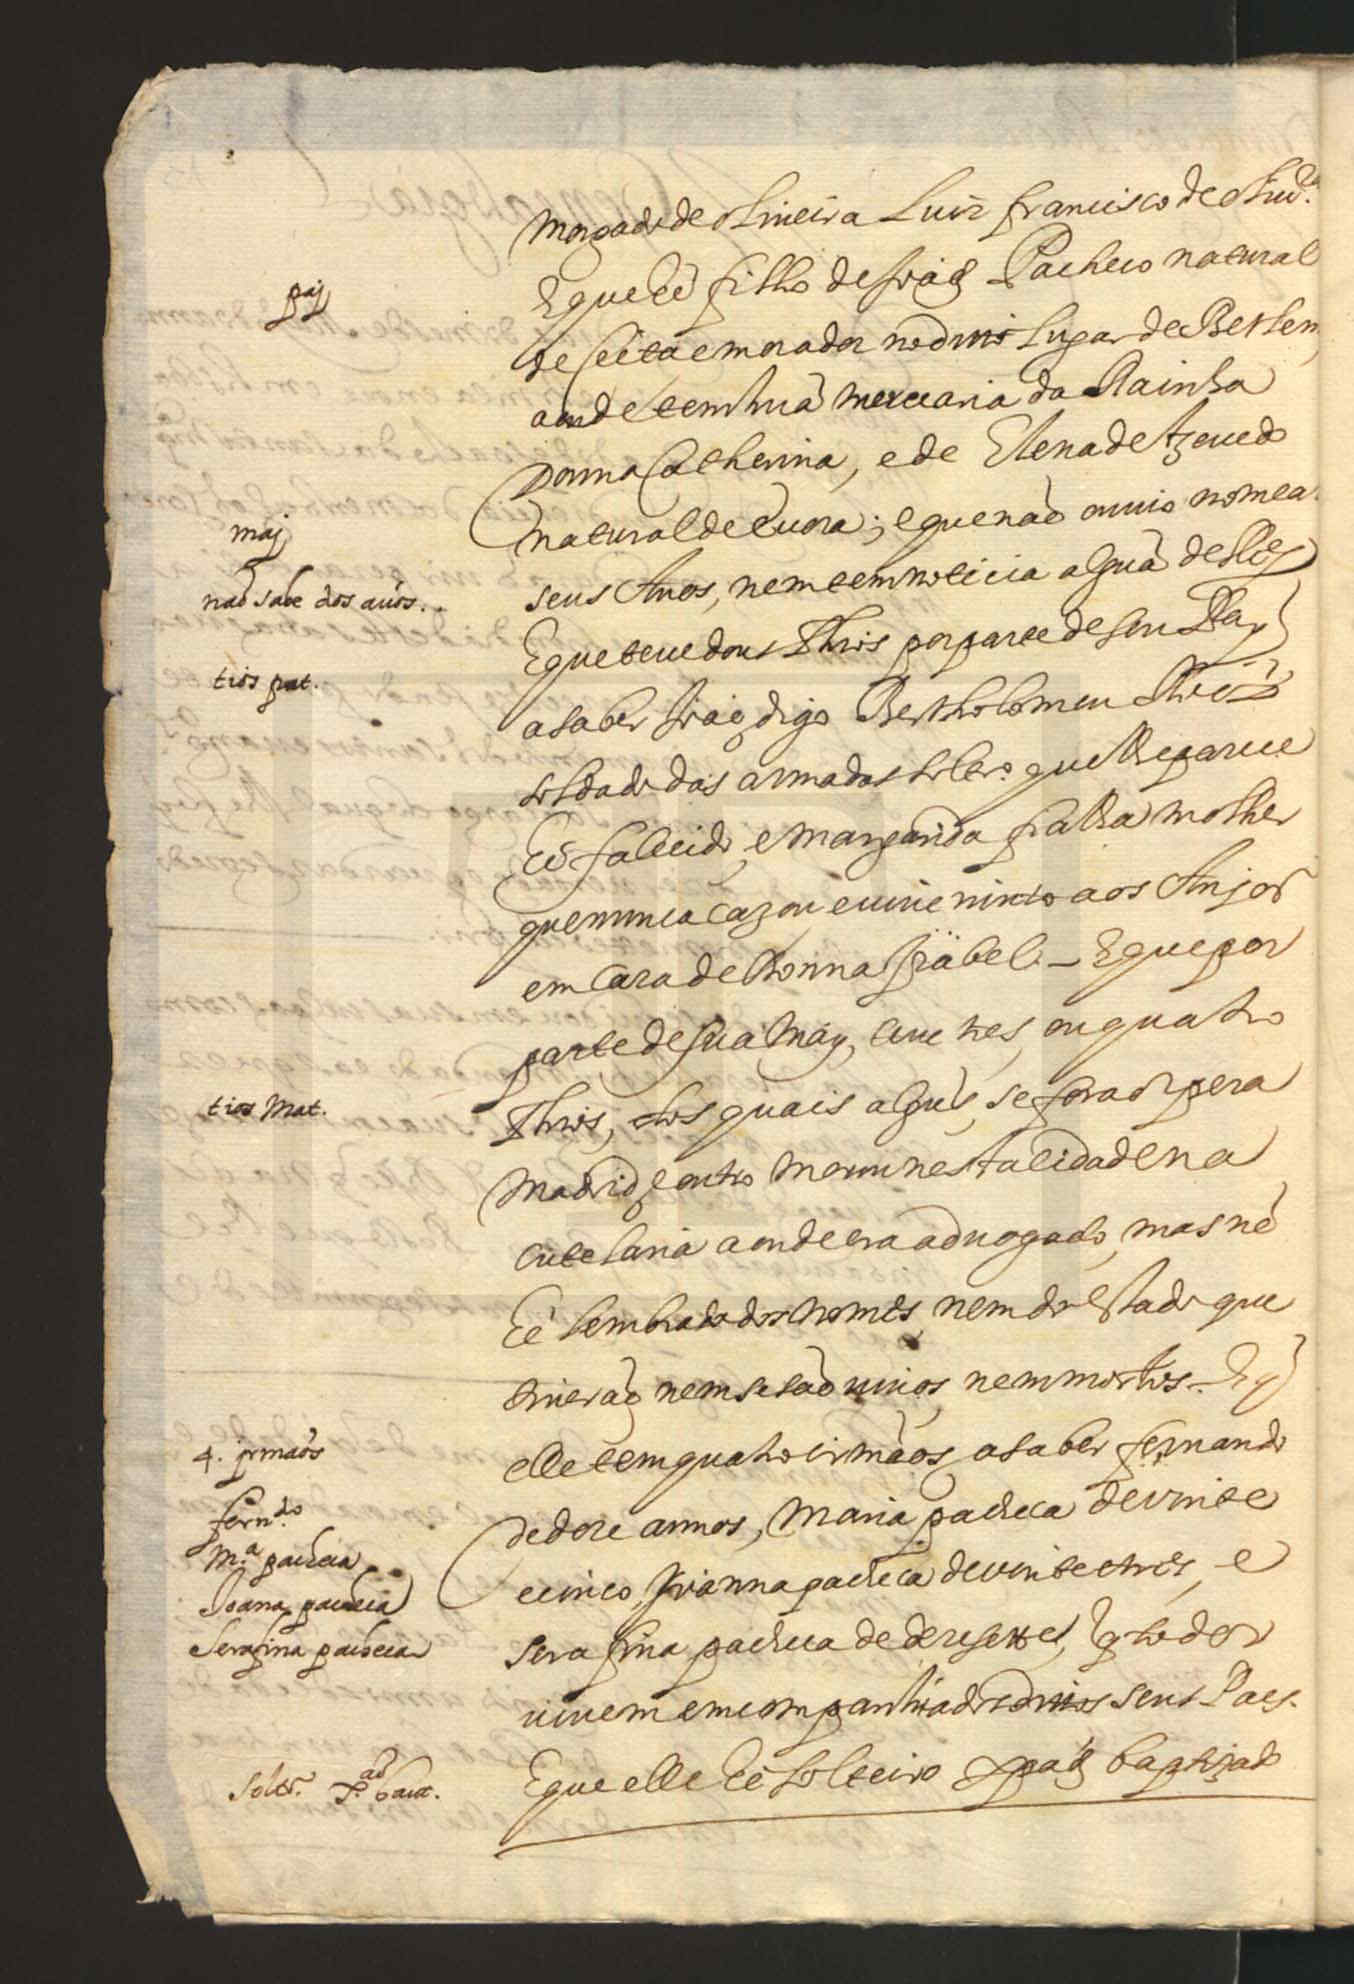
pai
naõ sabe dos auós.
tios pat.
4. jrmaõs
fern.do
m.a pacheca
Ioana pacheca
Serafina pacheca
solt.o x.aõ baut.
morgado de Oliveira Luiz francisco de olv.ra
E que he filho de Joaõ Pacheco natural
paj
de Ceita e morador no dito Lugar de Betlem
aonde tem huā mercearia da Rainha
Donna Catherina, e de Elena de Azeuedo
natural de éuora; e que naõ ouuio nomear.
seus Auos, nem tem noticia algum delles
E que teue dous Thios por parte de seu Pay
a saber Joao digo Bertholomeu Roiz̄
soldado das armadas soltr.o que lhe parece
hé falecido, e margarida filha molher
que nunca casou e uiue uinto aos Anjos
em Caza de Donna Jzabel - E que por
parte de sua may, teue tres, ou quatro
Thios, dos quais algūs se foraõ pera
tios mat.
madrid, e outro morou nesta cidade na
cutelaria aonde era aduogado, mas nē
hè lembrada dos nomes, nem do estado que
tiueraõ, nem se saõ uiuos, nem mortos. E q̄
elle tem quatro irmãos, a saber fernando
de doze annos, maria pacheca de vinte
e cinco Joanna pacheca de vinte e tres, e
serafina pacheca de dezesette, q̄ todos
uiuem em companhia dos dittos seus Paes
E que elle he solteiro xpaõ baptizado
